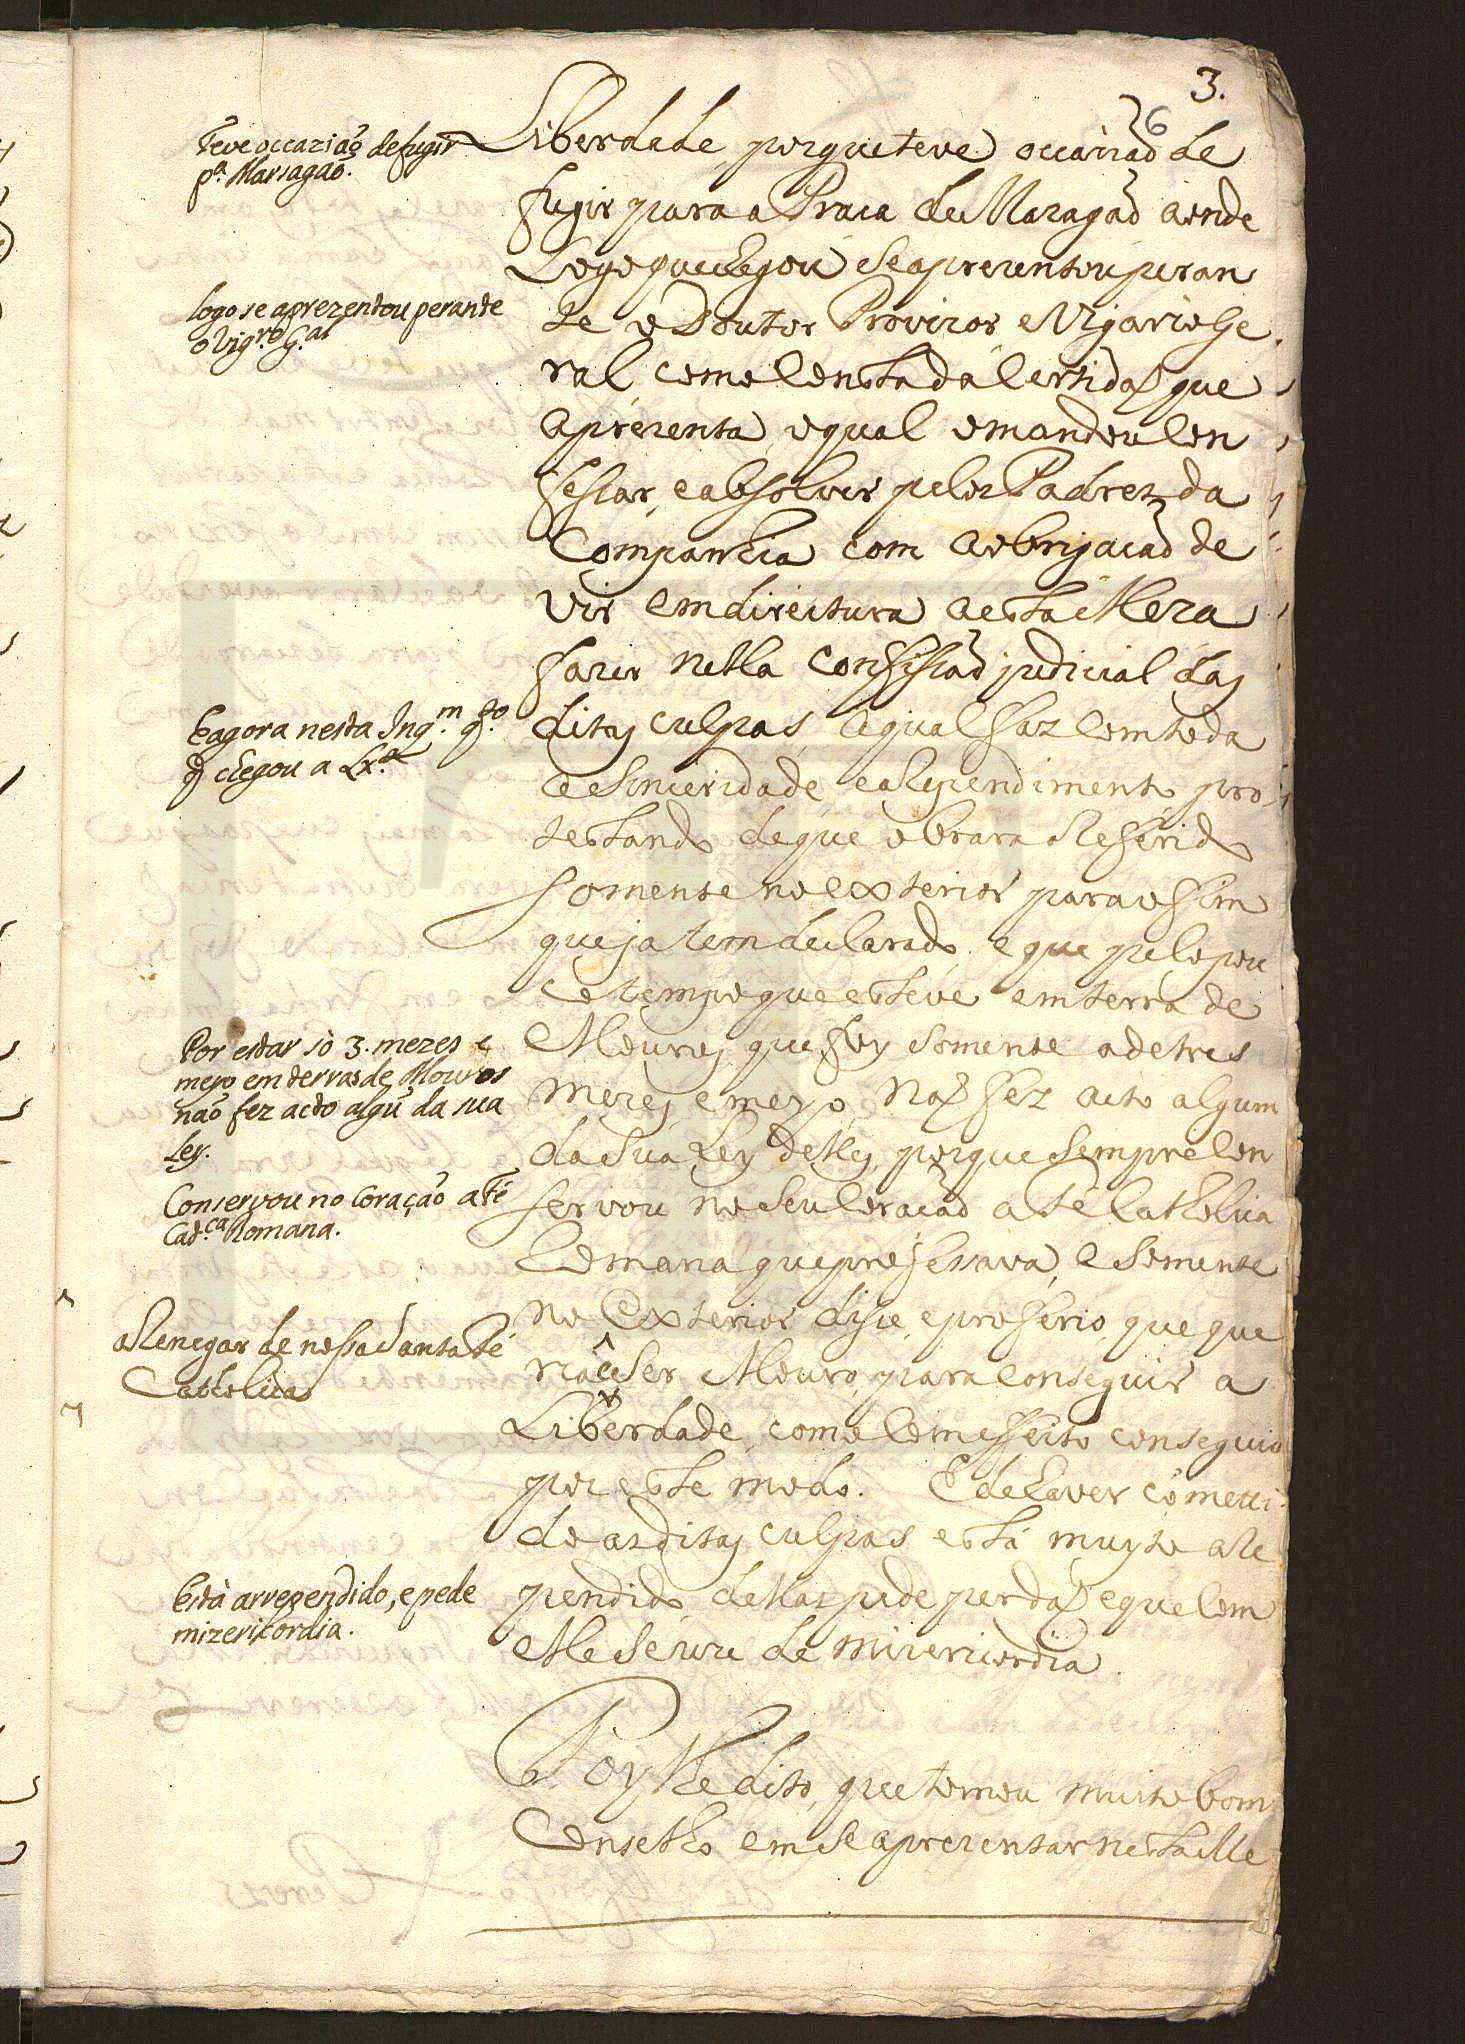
Liberdade, porque teve occaziaõ de
Teve occaziaõ de fugir
p.a Marsagaõ.
fugir para a Praça de Mazagaõ aonde
Logo que chegou se aprezentou peran
logo se aprezentou perante
o Vig.r.o G.al
te o Doutor Provizor e Vigario Ge
ral, como Consta da Certidaõ que
aprezenta, o qual o mandou Con
fessar, e absolver pelos Padrez da
Companhia com a obrigaçaõ de
vir em direitura a esta Meza
fazer nella confissaõ judicial das
E agora nesta Inq.am q.to
q̄ chegou a Lx.a
ditas culpas, a qual faz com toda
a Sinceridade, e aRependimento pro
testando de que obrara o Referido
somente no exterior para o fim
que ja tem declarado; e que pelo pou
co tempo que esteve em terra de
Por estar só 3. mezes e
meyo em terras de Mouros
naõ fez acto algū da sua
Ley.
Mouros que foy somente a de tres
mezes, e meyo, naõ fez acto algum
da sua Ley delles, porque sempre con
Conservou no coraçaõ a Fé
Cat.ca Romana.
servou no seu Coraçaõ a Fé Catholica
Romana que professava, e Somente
no Exterior disse, e proferio, que que
aRenegar de nossa Santa Fé
Catholica
ria e Ser Mouro, para conseguir a
Liberdade, como Com effeito conseguio
por este modo. E de haver cometti
do as ditas culpas está muyto aRe
Está arrependido, e pede
mizericordia.
pendido, dellas pede perdaõ e que Com
elle se uze de mizericordia
Foy lhe dito, que tomou muito bom
Conselho em se aprezentar nesta Me
